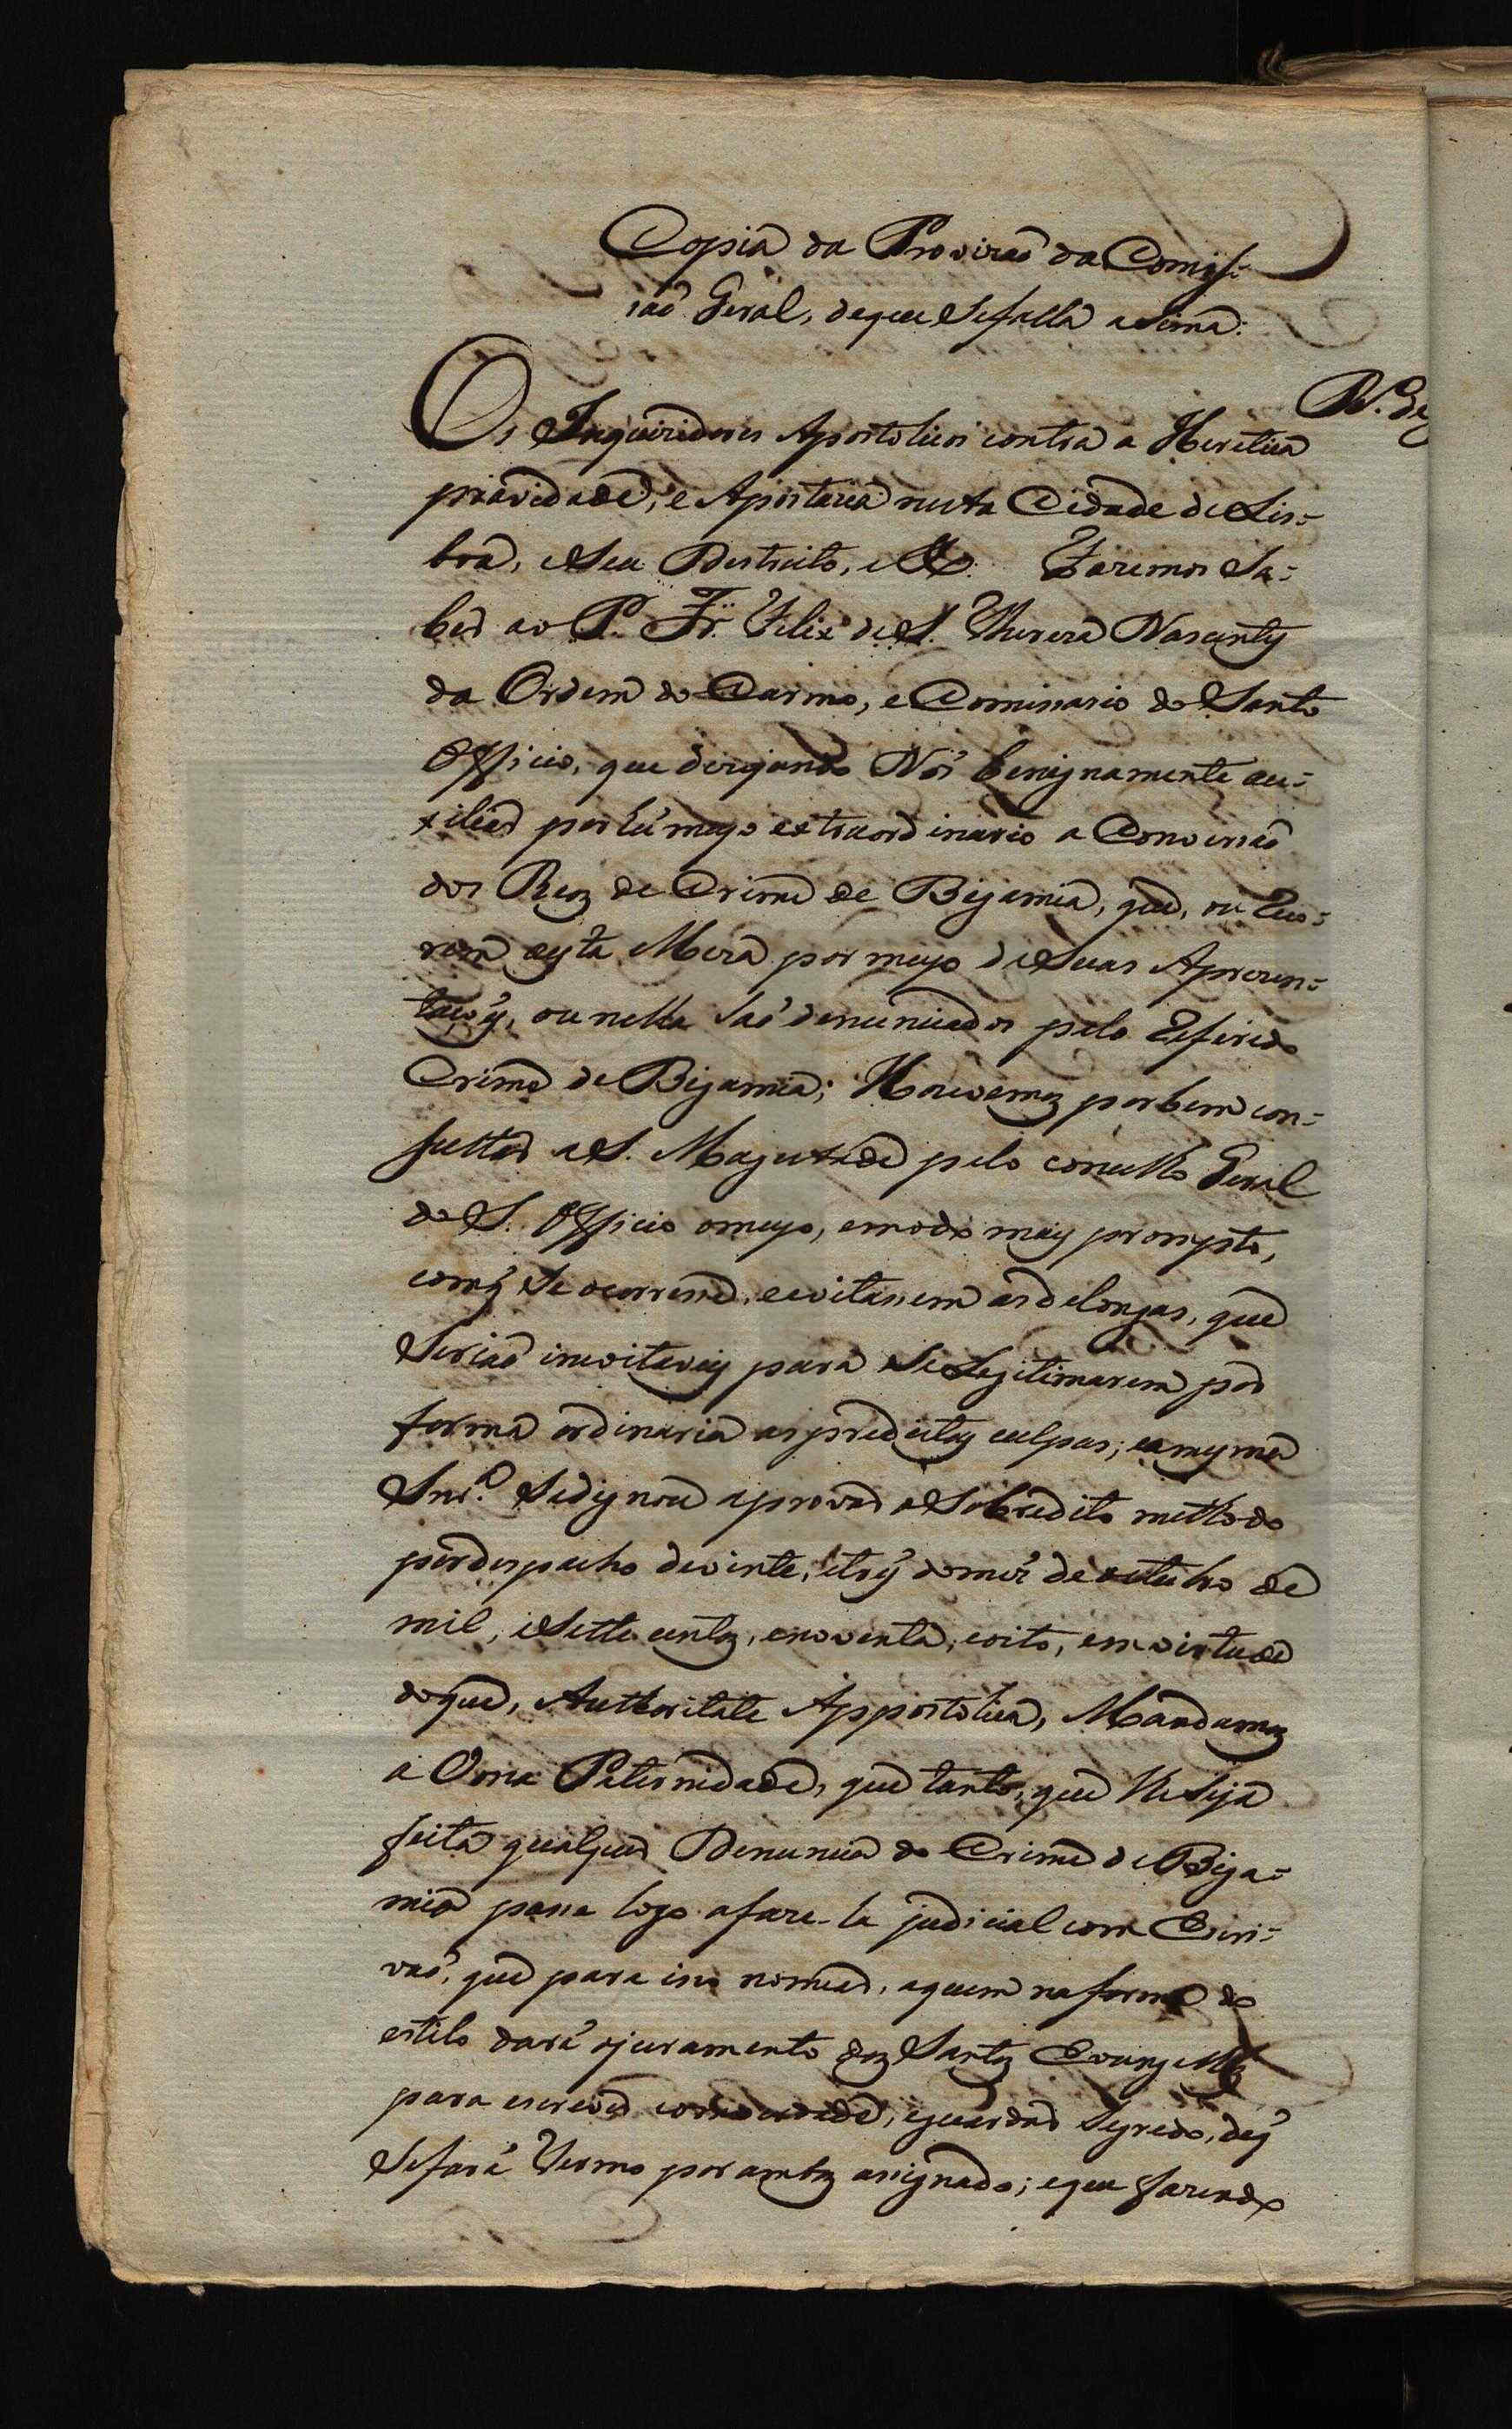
Copia da Provizaõ da Comis
saõ Geral, de que se falla aSima.
Os Inquizidores Apostolicos contra a Heretica
pravidade, e Apostazia nesta Cidade de Lis
boa, e seu Destrito, &: Fazemos Sa
ber ao P. Fr. Felix de S. Thereza Nascentes
da Ordem do Carmo, e Comissario do Santo
Officio, que dezejando Nós benignamente au
xiliar por hū meyo extraordinario a Conversaõ
dos Reoz de Crime de Bigamia, que, ou Reco
rem a esta Meza por meyo de Suas Aprezen
taçoẽs, ou nella saõ denunciados pelo Referido
Crime de Bigamia; Houvemos por bem con
sultar a S. Majestade pelo concelho Geral
do S. Officio o meyo, e modo mais prompto,
com q̄ se ocorresse, e evitassem as delongas, que
Seriaõ inevitaveis para Se Legitimarem por
forma ordinaria as predictas culpas; e a mesma
Snr.a Se dignou aprovar o Sobredito methodo
por despacho de vinte, e tres do mez de octubro de
mil, e Settecentoz, e noventa, e oito, em virtude
do que, Authoritate Appostolica, Mandamoz
a Vossa Paternidade, que tanto, que lhe Seja
feita qualquer Denuncia do Crime de Biga
mia possa logo a faze-la judicial com Escri
vaõ, que para isso nomear, a quem na forma do
estilo dará juramento doz Santoz Evangelh_z
para escrever com verdade, e guardar Segredo, de q̄
Se fará Termo por amboz assignado; e que fazendo
